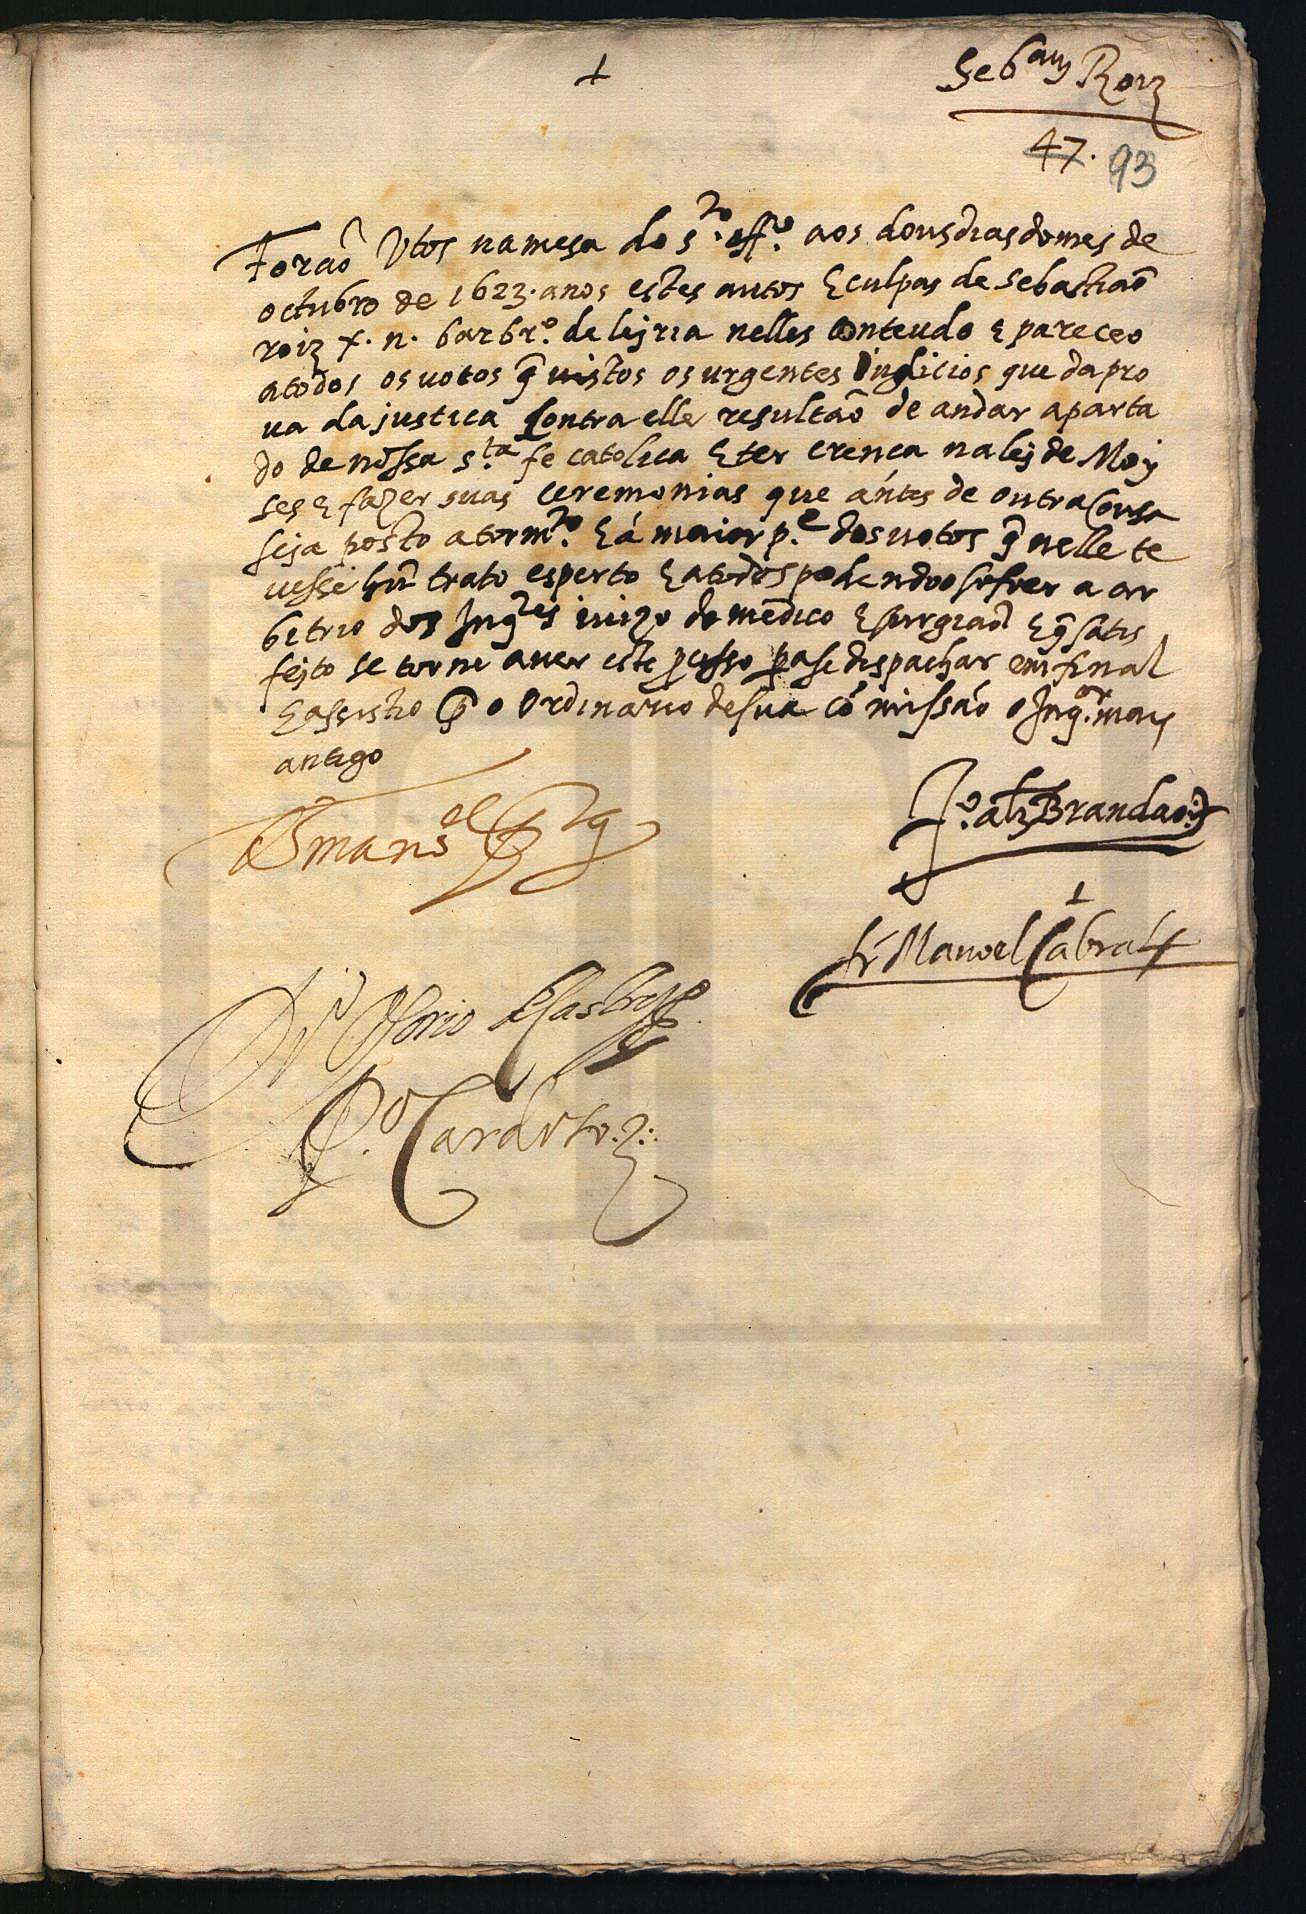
Sebam Roiz
Foraõ vtos na mesa do sto. off.o aos dous dias do mes de
octubro de 1623. anos estes autos E culpas de sebastiaõ
roiz x. n. barbr.o de lejria nelles conteudo E pareceo
a todos os uotos q̄ uistos os urgentes indicios que da pro
ua da justica Contra elle resultaõ de andar aparta
do de nossa s.ta fe catolica E ter crença na lej de Moy
ses E fazer suas ceremonias que antes de outra Cousa
seja posto a torm.to E á maior p.e dos uotos q̄ nelle te
uesse hū trato esperto E a todos podendoo sofrer a ar
bitrio dos Jnqres iuizo de medico E surgiaõ E q̄ satis
fejto se torne a uer este ꝓcesso ꝑa se despachar em finaL
E assistio p̄ o ordinario de sua cōmissaõ o Jnq.or mais
antigo
